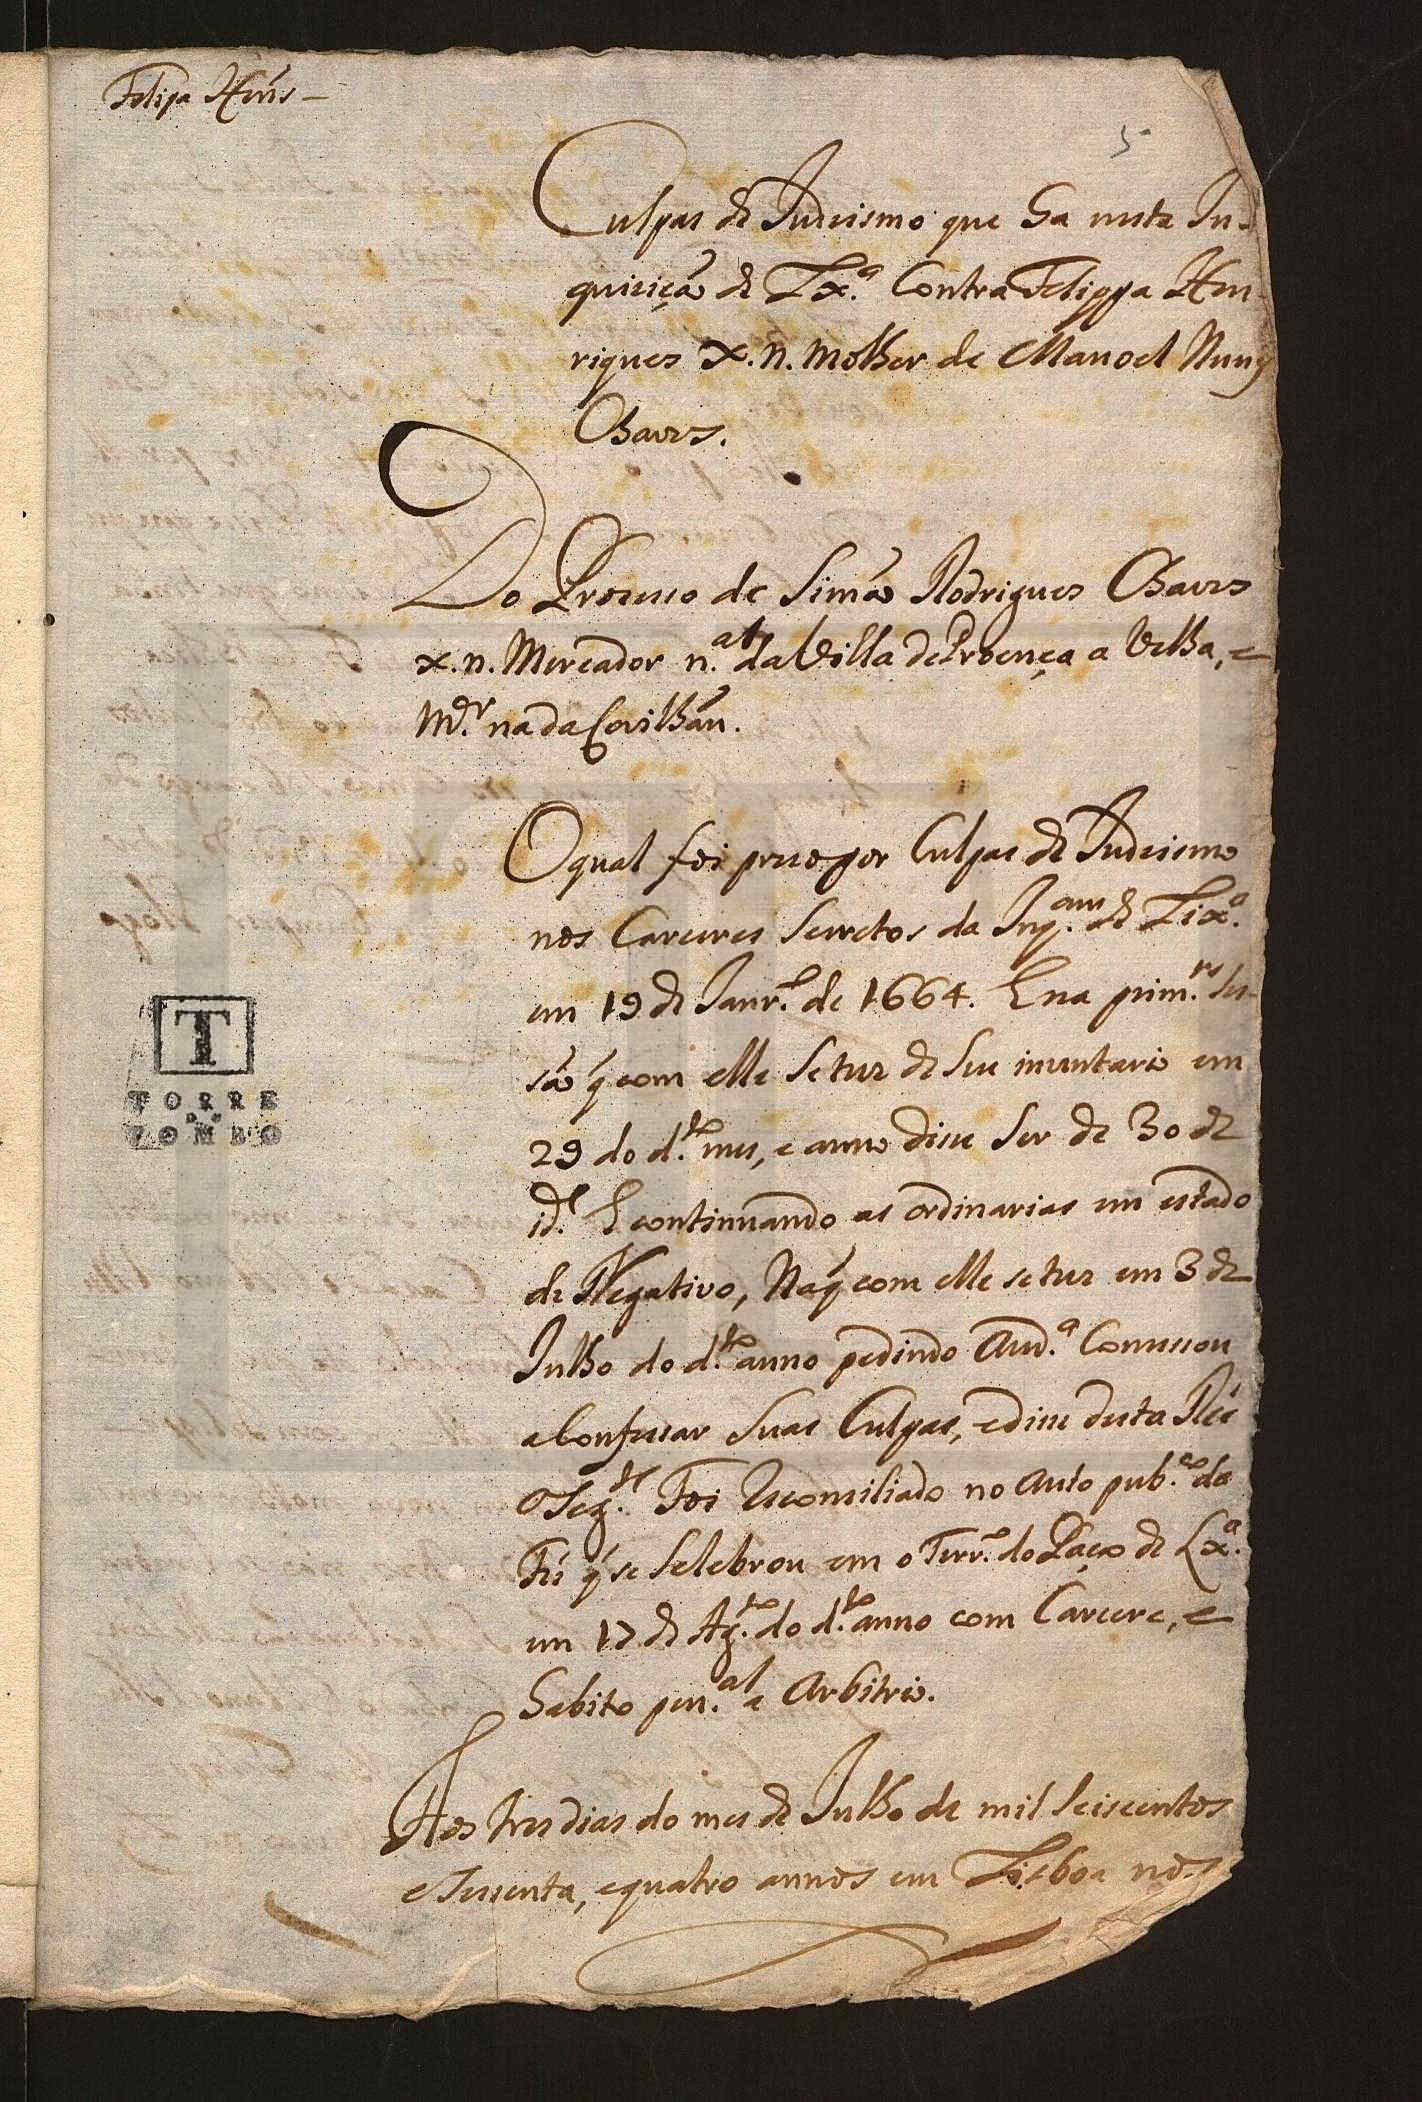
Felipa Hen̄s -
Culpas de Iudaismo que ha nesta In
quizição de Lx.a Contra Felippa Hen
riques x. n. molher de Manoel Nunes
Chaves.
Do Prosesso de Simão Rodrigues Chaves
x. n. Mercador n.al da Villa de Proença a Velha,
m.or na da Covilhãn.
O qual foi preso por Culpas de Iudaismo
nos Carceres Serectos da Inq.am de Lix.a
em 19 de Ianr.o de 1664. E na prim.ra ses
são q̄ com elle Se teve de Seu inuentario em
29 do d.to mes, e anno disse Ser de 30 de
id.e E continuando as ordinarias em estado
de Negativo, Na q̄ com elle se teve em 3 de
Iulho do d.to anno pedindo aud.a Comessou
a Confessar Suas Culpas, e disse desta Reé
o seg.te Foi Reconsiliado no auto pub.co da
Feé q̄ se Selebrou em o Terr.o do Paço de Lx.a
em 17 de Ag.to do d.to anno com Carcere, e
habito pen.al a arbitrio.
Aos tres dias do mes de Iulho de mil Seiscentos
e sessenta, e quatro annos em Lisboa nos
